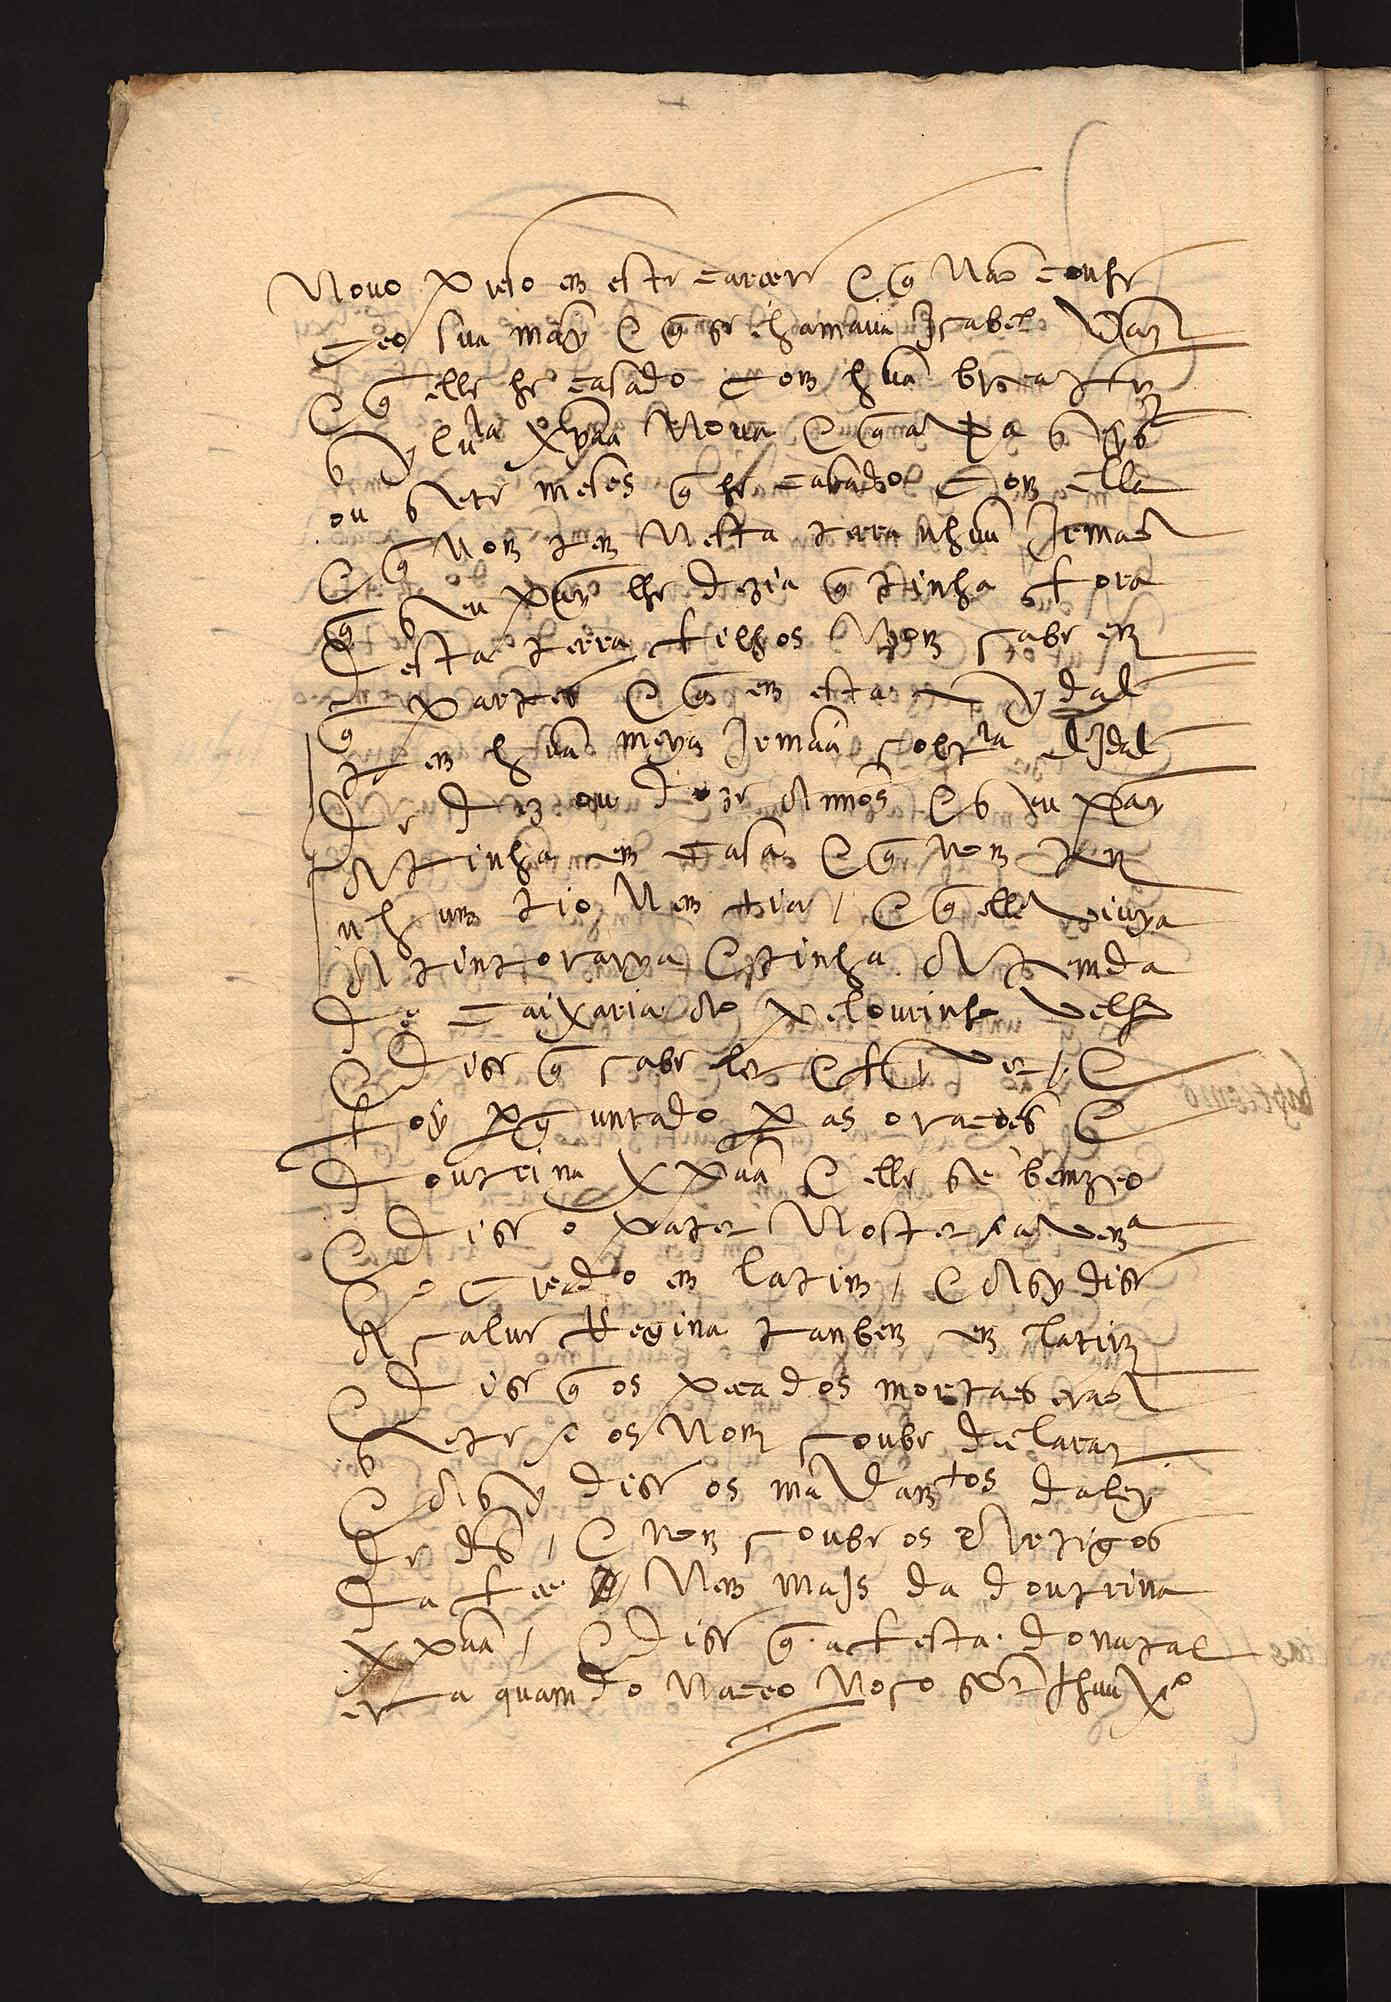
Nouo preso em este carçere e q̅ Naõ conhe
ceo sua may̅ e q̅ se chamaua Jsabel Vaz
e q̅ elle he casado com hu̅a breatiz
sylura Xp̅aa Noua e q̅ aꝟa seys
ou sete meses q̅ he casado com ella
e q̅ nom tem nesta terra nhu̅u Jrmaõ
q̅ seu pay lhe dezia q̅ tinha fora
desta terra filhos nom sabe em
q̅ partes e q̅ em esta cydade
tem hu̅a meya Jrmaã soltra de Jdade
de dez ou doze Anno̅s e seu pay
A tinha em casa e q̅ nom ten
nehum tio nem tia / e q̅ ella viuya
A tintorarya e tinha A temda
de Caixaria Ao pelourinho Velho
e dise q̅ sabe ler e sp̄ver /. e
foy ꝑguntado ꝑ as oracoes̄ e
doutrina Xpaã e elle se bemzeo
e dise o pater Noster a ave ma
e o credo em latim / e Asy dise
A salue Regina tanbem em latim
e dise q̅ os pecados mortaes eraõ
sete e os nom soube declarar
e Asy dise os ma̅damtos da ley
de ds̅ / e nom soube os clerigos
da fee _ Nem maJs da doutrina
Xpaã / e dise q̅ a festa do natal
era quamdo Naceo Noso sor̅ Jhuu Xo
